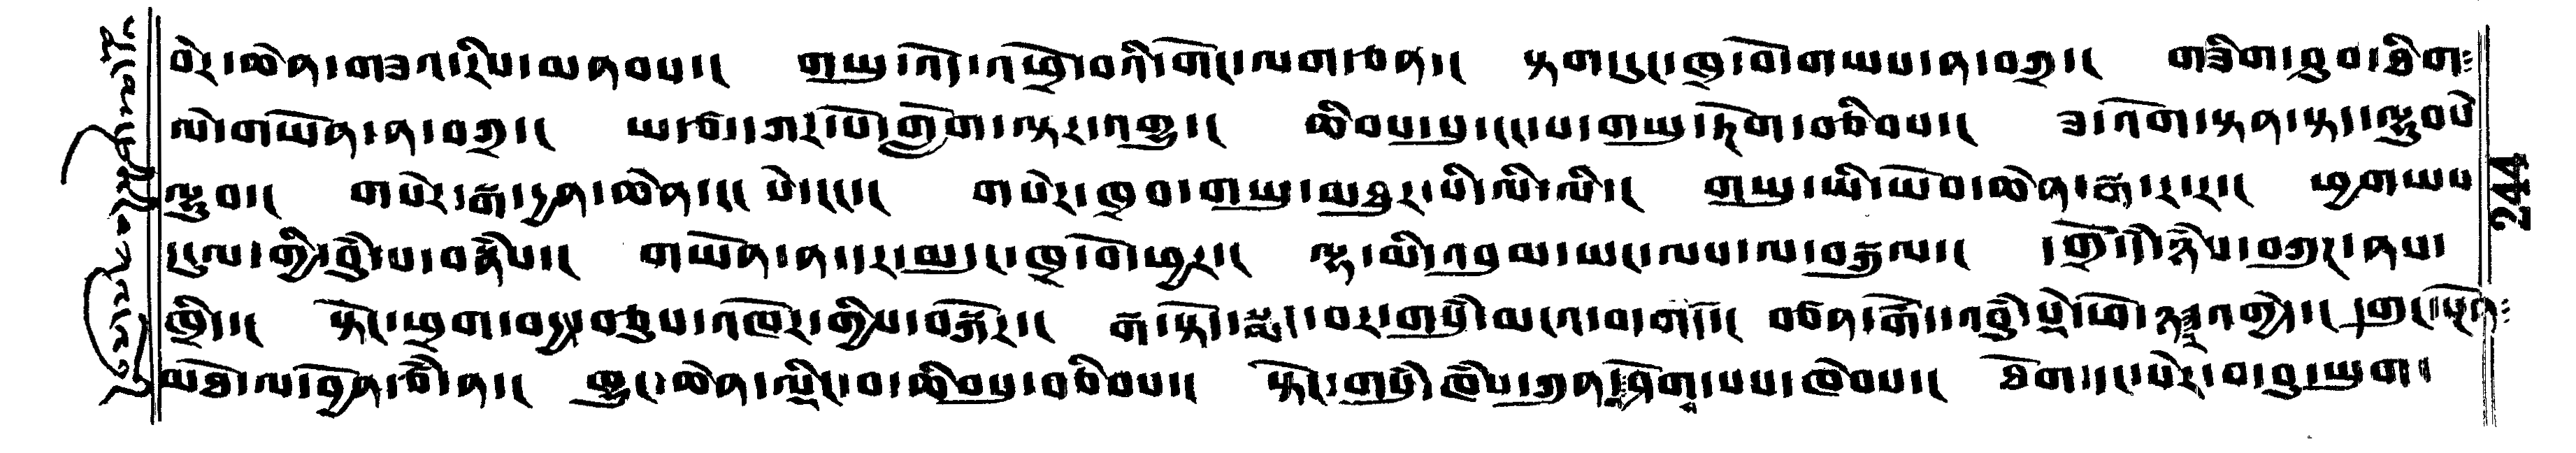བེར་ཆེན་འཇའ་རིས་མནབས། །གཡུ་འོད་འཕྲོ་བའི་གོང་ལག་ཅན། །སྟག་དོང་ཁྲ་བོ་གཡས་ནས་བཀྲ། །གཟིག་ཤུབ་ཐིག་
ལེ་གཡོན་ན་བཀྲ། ཡ་ཙ་དཀར་པོ་གློག་ལྟར་འགྱུ། །ཆིབས་སུ་ངང་པ་གཡུ་རྔོག་བཅིབས། །ཟ་འོག་དར་སྟན་ལྷུབས་སེ་
ལྷུབ། །གསེར་སྒ་རྒྱན་ཆེན་ངང་སེ་ངང་། །གསེར་ཁྲབ་གཡུ་མཐུར་སི་ལི་ལི། །གཡུ་ཡི་ཡོབ་ཆེན་སྒ་ར་ར། །ཕྱག་གཡས་
དངུལ་གྱི་བུམ་པ་བསྣམས། །གཡོན་ན་དར་མདུང་ཁྲ་བོ་ཕྱར། །ལྷ་མི་འབུམ་ཡང་ལས་ལ་བསྐུལ། །དགྲ་བོ་དམ་ཉམས་བཀུགས་ནས་
ཁྲིད། །སྟོང་ཕྲག་བརྒྱད་བཅུའི་འཁོར་གྱིས་བསྐོར། །སྒ་སྟོད་སྨད་བར་གསུམ་མངའ་བདག་མཛད། །བཙན་རྒོད་འབུམ་སྡེ་ཕོ་ཉར་འགྱེད། །དགུང་སྔོན་
མཐོ་ལ་བྱོན་ཙམ་ན། །ཁྱུང་ཆེན་ལྡིང་བ་ཆིབས་སུ་བཅིབས། །སྟོང་གསུམ་ཁམས་ཀུན་གཤོག་པས་ཁེབས། །ཐོག་དང་སེར་བ་བུ་ཡུག་